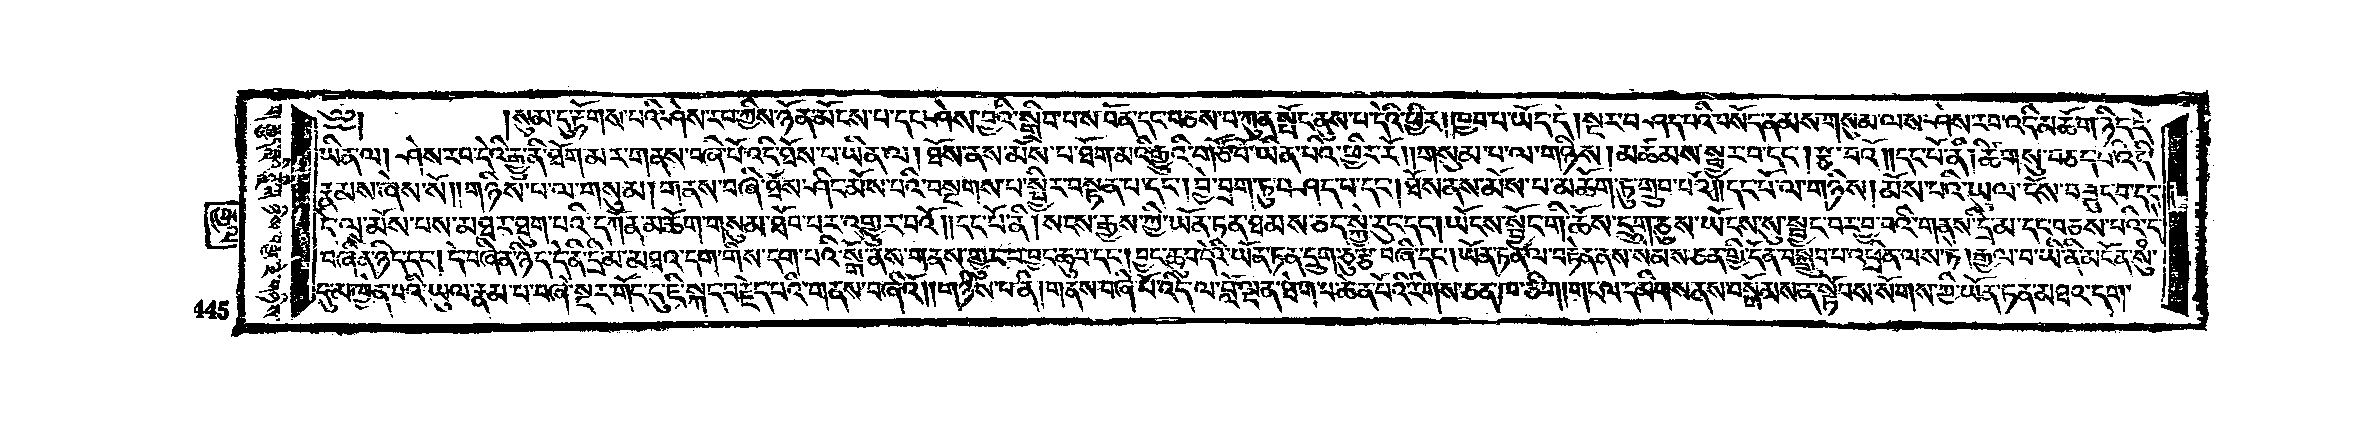༄༅། །སུམ་དུ་རྟོགས་པའི་ཤེས་རབ་ཀྱིས་ཉོན་མོངས་པ་དང་ཤེས་བྱའི་སྒྲིབ་ས་བོན་དང་བཅས་པ་ཀུན་སྤོང་ནུས་པ་དེའི་ཕྱིར། ཁྱབ་པ་ཡོད་དེ། སྔར་བཤད་པའི་བསོད་ནམས་གསུམ་ལས་ཤེས་རབ་འདི་མཆོག་ཉིད་དེ་
ཡིན་ལ། ཤེས་རབ་དེའི་རྒྱུ་ནི་ཐོག་མར་གནས་བཞི་པོ་འདི་ཐོས་པ་ཡིན་ལ། ཐོས་ནས་མོས་པ་ཐོག་མའི་རྒྱུའི་གཙོ་བོ་ཡིན་པའི་ཕྱིར་རོ། །གསུམ་པ་ལ་གཉིས། མཚམས་སྦྱར་བ་དང་། རྩ་བའོ། །དང་པོ་ནི། ཚིགས་སུ་བཅད་པ་འདི་
རྣམས་ཞེས་སོ། །གཉིས་པ་ལ་གསུམ། གནས་བཞི་ཐོས་ཤིང་མོས་པའི་བསྔགས་པ་སྤྱིར་བསྟན་པ་དང་། བྱེ་བྲག་ཏུ་བཤད་པ་དང་། ཐོས་ནས་མོས་པ་མཆོག་ཏུ་གྲུབ་པའོ། །དང་པོ་ལ་གཉིས། མོས་པའི་ཡུལ་ངོས་བཟུང་བ་དང་།
དེ་ལ་མོས་པས་མཐར་ཐུག་པའི་དཀོན་མཆོག་གསུམ་ཐོབ་པར་འགྱུར་བའོ། །དང་པོ་ནི། སངས་རྒྱས་ཀྱི་ཡོན་ཏན་ཐམས་ཅད་སྐྱེ་རུང་དང་། ཡོངས་སྦྱོང་གི་ཆོས་དྲུག་ཅུས་ཡོངས་སུ་སྦྱང་བར་བྱ་བའི་གནས་དྲི་མ་དང་བཅས་པའི་དེ་
བཞིན་ཉིད་དང་། དེ་བཞིན་ཉིད་དེ་ནི་དྲི་མ་མཐའ་དག་གིས་དག་པའི་སྒོ་ནས་གནས་གྱུར་པ་བྱང་ཆུབ་དང་། བྱང་ཆུབ་དེའི་ཡོན་ཏན་དྲུག་ཅུ་རྩ་བཞི་དང་། ཡོན་ཏན་ལ་བརྟེན་ནས་སེམས་ཅན་གྱི་དོན་བསྒྲུབ་པ་འཕྲིན་ལས་ཏེ་རྒྱལ་བ་ཡི་ནི་མངོན་སུམ་
དུ་མཁྱེན་པའི་ཡུལ་རྣམ་པ་བཞེ་སྔར་གོང་དུ་ཇི་སྐད་བརྗེད་པའི་གནས་བཞིའོ། །གཉིས་པ་ནི། གནས་བཞི་པོ་འདི་ལ་བློ་ལྡན་ཐེག་པ་ཆེན་པོའི་རིགས་ཅན་ཁ་ཅིག །གང་ལ་དམིགས་ནས་བསྒོམས་ན་སྟོབས་སོགས་ཀྱི་ཡོན་ཏན་མཐའ་དག་